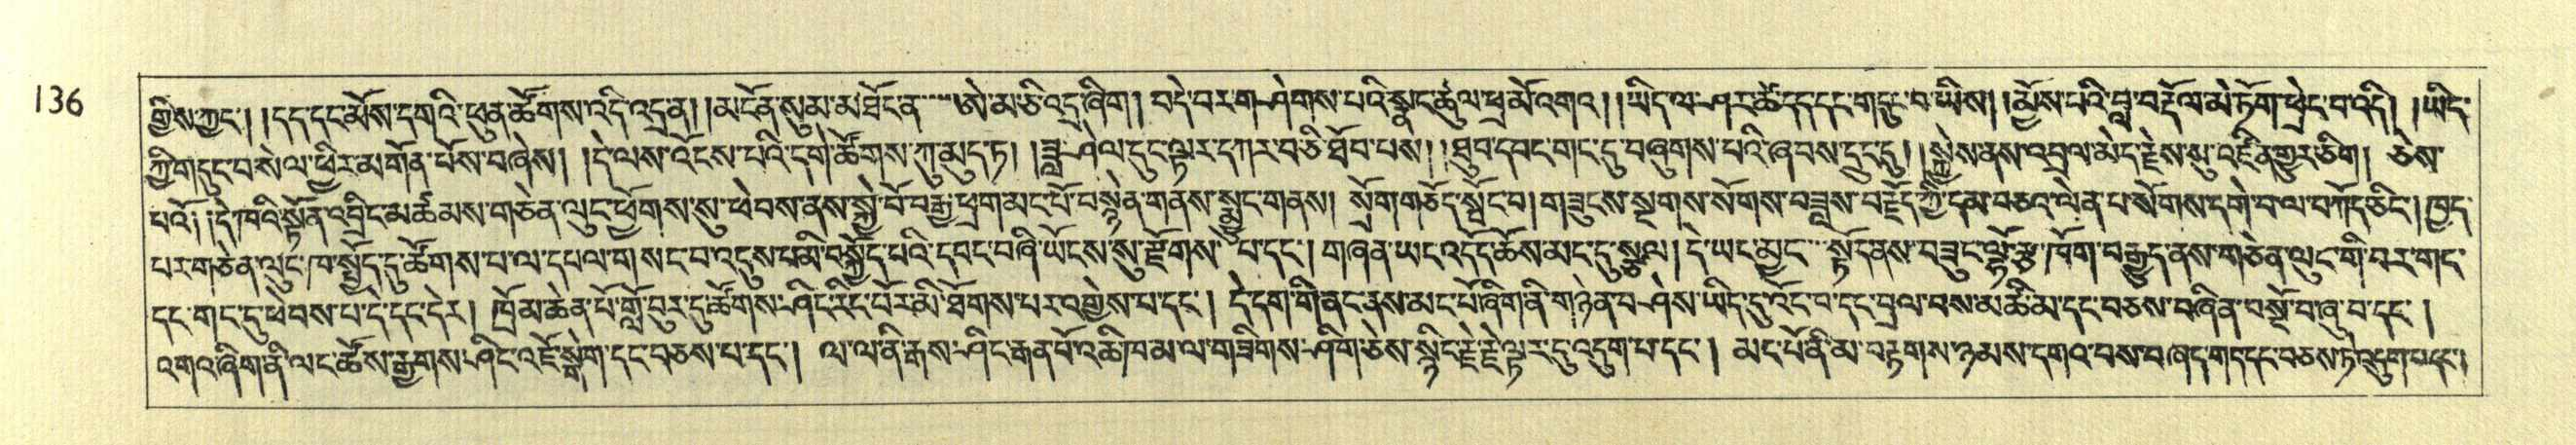གྱིས་ཀྱང་། །དད་དང་མོས་དགའི་ཕུན་ཚོགས་འདི་འདྲ་ན། །མངོན་སུམ་མཐོང་ན་ཨེ་མ་ཅི་འདྲ་ཞིག། བདེ་བར་གཤེགས་པའི་སྣང་ཚུལ་ཕྲ་མོ་འགའ། །ཡིད་ལ་ཤར་ཚེ་དད་དང་གདུང་བ་ཡིས། །མྱོས་པའི་བླ་བརྡོལ་མེ་ཏོག་ཕྲེང་བ་འདི། །ཡིད་
ཀྱི་གདུང་བ་སེལ་ཕྱིར་མགོན་པོས་བཞེས། །དེ་ལས་འོངས་པའི་དགེ་ཚོགས་ཀུ་མུད་ཏ། །ཟླ་ཤེལ་དུང་ལྟར་དཀར་བ་ཅི་ཐོབ་པས། །ཐུབ་དབང་གང་དུ་བཞུགས་པའི་ཞབས་དྲུང་དུ། །སྐྱེས་ནས་འབྲལ་མེད་རྗེས་སུ་འཛིན་གྱུར་ཅིག། ཅེས་
པའོ༑ ༑དེ་ཁའི་སྟོན་འབྲིང་མཚམས་གཅེན་ལུང་ཕྱོགས་སུ་ཕེབས་ནས་སྐྱེ་བོ་བརྒྱ་ཕྲག་མང་པོ་བསྙེན་གནས་སྨྱུང་གནས། སྲོག་གཅོད་སྤོང་བ། གཟུངས་སྔགས་སོགས་བཟླས་བརྗོད་ཀྱི་དམ་བཅའ་ལེན་པ་སོགས་དགེ་བ་ལ་བཀོད་ཅིང་། ཁྱད་
པར་གཅེན་ལུང་ཁ་སྤྱོད་དུ་ཚོགས་པ་ལ་དཔལ་གསང་བ་འདུས་པ་མི་བསྐྱོད་པའི་དབང་བཞི་ཡོངས་སུ་རྫོགས་པ་དང་། གཞན་ཡང་འདོད་ཆོས་མང་དུ་སྩལ། དེ་ཡང་མྱང་སྟོད་ནས་བཟུང་ལྷོ་རྩ་ཁོག་བརྒྱུད་ནས་གཅེན་ལུང་གི་བར་གང་
དང་གང་དུ་ཕེབས་པ་དེ་དང་དེར། ཁྲོམ་ཆེན་པོ་གློ་བུར་དུ་ཚོགས་ཤིང་རིང་པོར་མི་ཐོགས་པར་འགྱེས་པ་དང་། དེ་དག་གི་ནང་ནས་མང་པོ་ཞིག་ནི་གཉེན་བཤེས་ཡིད་དུ་འོང་བ་དང་བྲལ་བས་མཚི་མ་དང་བཅས་བཞིན་བསྔོ་བ་ཞུ་བ་དང་།
འགའ་ཞིག་ནི་ལང་ཚོས་རྒྱགས་ཤིང་འཇོ་སྒེག་དང་བཅས་པ་དང་། ལ་ལ་ནི་རྒས་ཤིང་རྒན་པོ་འཆི་ཁ་མ་ལ་གཟིགས་ཤིག་ཅེས་སྙིང་རྗེ་ལྟར་དུ་འདུག་པ་དང་། མང་པོ་ནི་མ་བརྟགས་ཉམས་དགའ་བས་བཞད་གད་དང་བཅས་ཏེ་འདུག་པ་དང་།